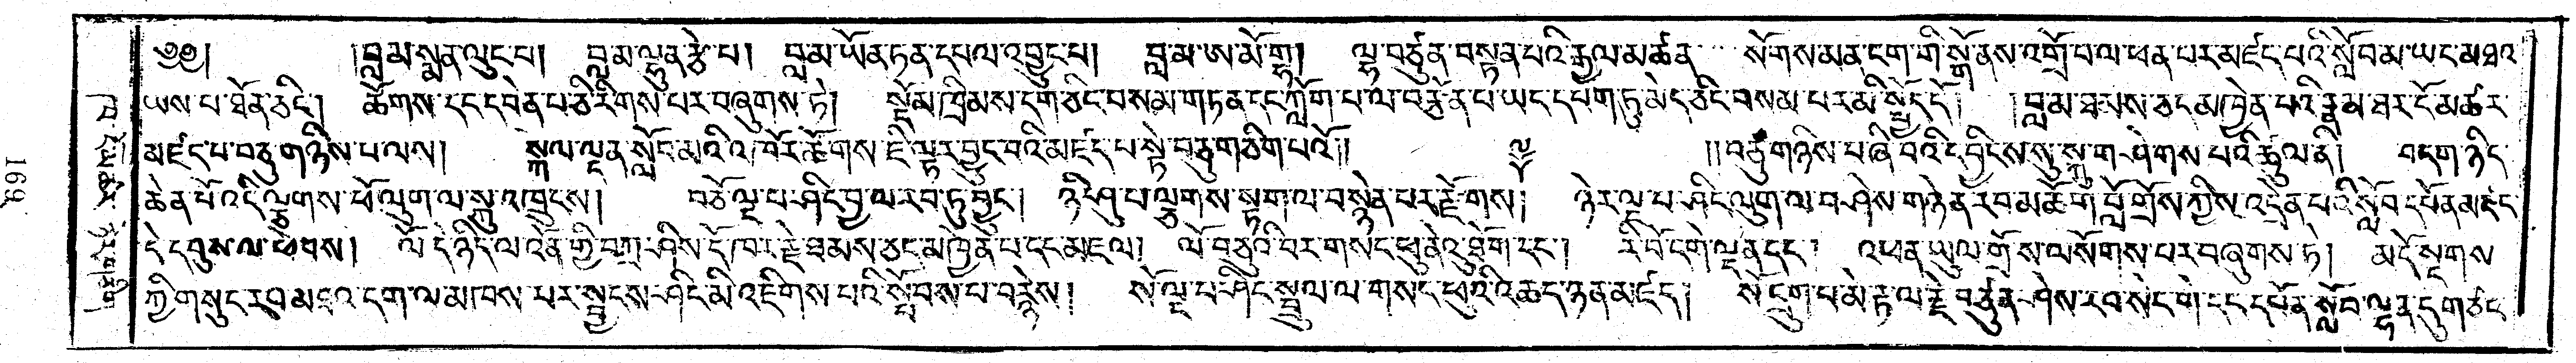༄༅། །བླ་མ་སྨན་ལུང་པ། བླ་མ་ལྷུན་རྩེ་པ། བླ་མ་ཡོན་ཏན་དཔལ་འབྱུང་པ། བླ་མ་ཨ་མོ་གྷ། ལྷ་བཙུན་བསྟན་པའི་རྒྱལ་མཚན་སོགས་མན་ངག་གི་སྒོ་ནས་འགྲོ་བ་ལ་ཕན་པར་མཛད་པའི་སློབ་མ་ཡང་མཐའ་
ཡས་པ་ཐོན་ཅིང་། ཚོགས་དང་དབེན་པ་ཅི་རིགས་པར་བཞུགས་ཏེ། སྡོམ་ཁྲིམས་དག་ཅིང་བསམ་གཏན་དང་ཀློག་པ་ལ་བརྩོན་པ་ཡང་དཔག་ཏུ་མེད་ཅིང་བསམ་པར་མི་སྤྱོད་དོ། །བླ་མ་ཐམས་ཅད་མཁྱེན་པའི་རྣམ་ཐར་ངོ་མཚར་
མཛད་པ་བཅུ་གཉིས་པ་ལས། སྐལ་ལྡན་སློབ་མའི་འཁོར་ཚོགས་ཇི་ལྟར་བྱུང་བའི་མཛད་པ་སྟེ་བཅུ་གཅིག་པའོ།། ༈ །།བཅུ་གཉིས་པ་ཞི་བའི་དབྱིངས་སུ་སྐུ་གཤེགས་པའི་ཚུལ་ནི། བདག་ཉིད་
ཆེན་པོ་འདི་ལྕགས་ཕོ་ལུག་ལ་སྐུ་འཁྲུངས། བཅོ་ལྔ་པ་ཤིང་བྱ་ལ་རབ་ཏུ་བྱུང་། ཉི་ཤུ་པ་ལྕགས་སྟག་ལ་བསྙེན་པར་རྫོགས། ཉེར་ལྡ་པ་ཤིང་ལུག་ལ་བཤེས་གཉེན་རབ་མཆོག་བློ་གྲོས་ཀྱིས་འདྲེན་པའི་སློབ་དཔོན་མཛད་
དེ་དབུས་ལ་ཕེབས། ལོ་དེ་ཉིད་ལ་འོན་གྱི་བཀྲ་ཤིས་དོ་ཁར་རྗེ་ཐམས་ཅད་མཁྱེན་པ་དང་མཇལ། ལོ་བཅུའི་བར་གསང་ཕུ་ནེའུ་ཐོག་དང་། རི་བོ་དགེ་ལྡན་དང་། འཕན་ཡུལ་གྲོས་ལ་སོགས་པར་བཞུགས་ཏེ། མདོ་སྔགས་
ཀྱི་གསུང་རབ་མཐའ་དག་ལ་མཁས་པར་སྦྱངས་ཤིང་མི་འཇིགས་པའི་སྤོབས་པ་བརྙེས། སོ་ལྔ་པ་ཤིང་སྦྲུལ་ལ་གསང་ཕུའི་འཆད་ཉན་མཛད། སོ་དྲུག་པ་མེ་རྟ་ལ་རྗེ་བཙུན་ཤེས་རབ་སེང་གེ་དང་དཔོན་སློབ་ལྷན་དུ་གཙང་